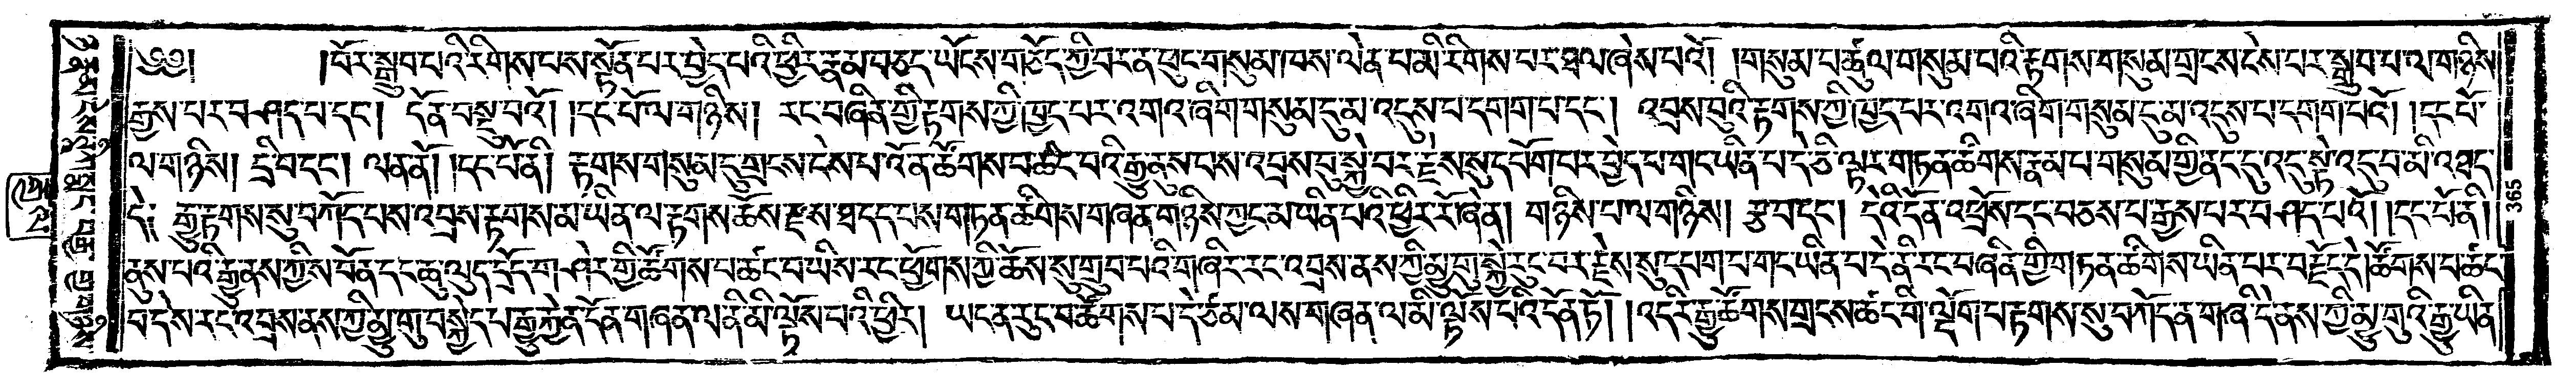༄༅། །བོར་སྒྲུབ་པའི་རིགས་པས་སྟོན་པར་བྱེད་པའི་ཕྱིར་རྣམ་བཅད་ཡོངས་གཅོད་ཀྱི་བར་ན་ཕུང་གསུམ་ཁས་ལེན་པ་མི་རིགས་པར་ཐལ་ཞེས་པའོ། །གསུམ་པ་ཚུལ་གསུམ་པའི་རྟགས་གསུམ་གྲངས་ངེས་པར་སྒྲུབ་པ་ལ་གཉིས་
རྒྱས་པར་བཤད་པ་དང་། དོན་བསྡུ་བའོ། །དང་པོ་ལ་གཉིས། རང་བཞིན་གྱི་རྟགས་ཀྱི་ཁྱད་པར་འགའ་ཞིག་གསུམ་དུ་མ་འདུས་པ་དགག་པ་དང་། འབྲས་བུའི་རྟགས་ཀྱི་ཁྱད་པར་འགའ་ཞིག་གསུམ་དུ་མ་འདུས་པ་དགག་པའོ། །དང་པོ་
ལ་གཉིས། དྲི་བ་དང་། ལན་ནོ། །དང་པོ་ནི། རྟགས་གསུམ་དུ་གྲངས་ངེས་པ་འོ་ན་ཚོགས་པ་ཚང་བའི་རྒྱུ་ནུས་པས་འབྲས་བུ་སྐྱེ་བར་རྗེས་སུ་དཔོག་པར་བྱེད་པ་གང་ཡིན་པ་དེ་ཅི་ལྟར་གཏན་ཚིགས་རྣམ་པ་གསུམ་གྱི་ནང་དུ་འདུ་སྟེ་འདུ་བ་མི་འཐད་
དེ༑ རྒྱུ་རྟགས་སུ་བཀོད་པས་འབྲས་རྟགས་མ་ཡིན་ལ་རྟགས་ཆོས་རྫས་ཐ་དད་པས་གཏན་ཚིགས་གཞན་གཉིས་ཀྱང་མ་ཡིན་པའི་ཕྱིར་རོ་ཞེ་ན། གཉིས་པ་ལ་གཉིས། རྩ་བ་དང་། དེའི་དོན་འཕྲོས་དང་བཅས་པ་རྒྱས་པར་བཤད་པའོ། །དང་པོ་ནི།
ནུས་པའི་རྒྱུ་ནས་ཀྱི་ས་བོན་དང་ཆུ་ལུད་དྲོད་གཤེར་གྱི་ཚོགས་པ་ཚང་བ་ཡིས་རང་ཕྱོགས་ཀྱི་ཆོས་སུ་གྲུབ་པའི་གཞིར་རང་འབྲས་ནས་ཀྱི་མྱུ་གུ་སྐྱེ་རུང་བར་རྗེས་སུ་དཔག་པ་གང་ཡིན་པ་དེ་ནི་རང་བཞིན་གྱི་གཏན་ཚིགས་ཡིན་པར་བརྗོད་དེ། ཚོགས་པ་ཚང་
བ་དེས་རང་འབྲས་ནས་ཀྱི་མྱུ་གུ་བསྐྱེད་པ་རྒྱུ་རྐྱེན་དོན་གཞན་ལ་ནི་མི་ལྟོས་པའི་ཕྱིར། ཡང་ན་རུང་བ་ཚོགས་པ་དེ་ཙམ་ལས་གཞན་ལ་མི་ལྟོས་པའི་དོན་ཏོ། །འདིར་རྒྱུ་ཚོགས་གྲངས་ཚང་གི་ལྡོག་པ་རྟགས་སུ་བཀོད་ན་གཞི་དེ་ནས་ཀྱི་མྱུ་གུའི་རྒྱུ་ཡིན་